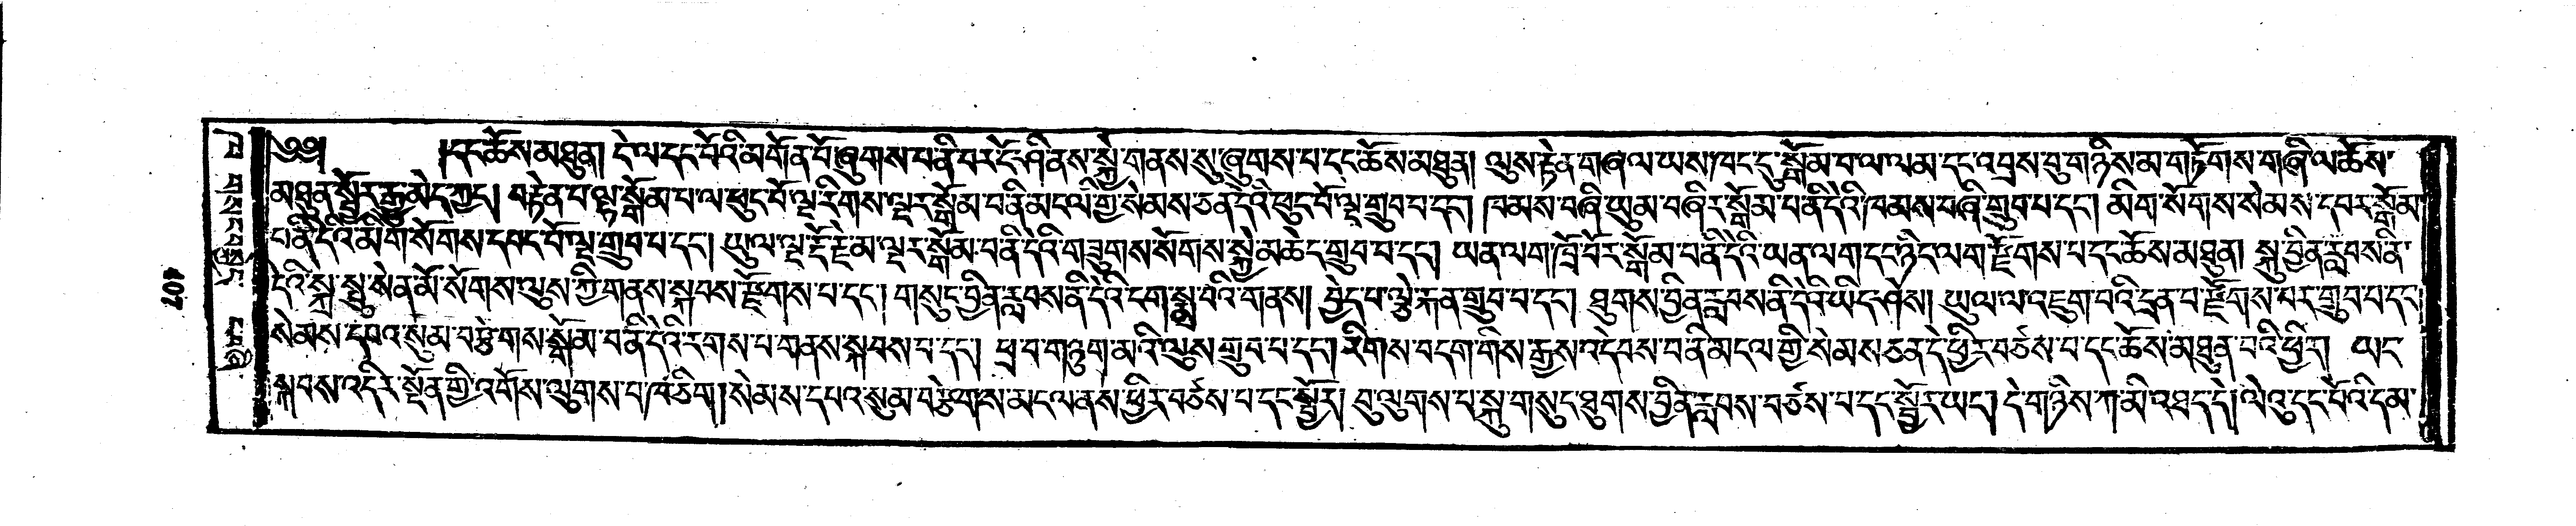༄༅། །དང་ཆོས་མཐུན། དེ་ལ་དང་པོའི་མགོན་པོ་ཞུགས་པ་ནི་བར་དོ་ཤི་ནས་སྐྱེ་གནས་སུ་ཞུགས་པ་དང་ཆོས་མཐུན། ལུས་རྟེན་གཞལ་ཡས་ཁང་དུ་སྒོམ་པ་ལ་ལམ་དང་འབྲས་བུ་གཉིས་མ་གཏོགས་གཞི་ལ་ཆོས་
མཐུན་སྦྱོར་རྒྱུ་མེད་ཀྱང་། བརྟེན་པ་ལྷ་སྒོམ་པ་ལ་ཕུང་པོ་ལྔ་རིགས་ལྔར་སྒོམ་པ་ནི་མངལ་གྱི་སེམས་ཅན་དེའི་ཕུང་པོ་ལྔ་གྲུབ་པ་དང་། ཁམས་བཞི་ཡུམ་བཞིར་སྒོམ་པ་ནི་དེའི་ཁམས་བཞི་གྲུབ་པ་དང་། མིག་སོགས་སེམས་དབར་སྒོམ་
པ་ནི་དེའི་མིག་སོགས་དབང་པོ་ལྔ་གྲུབ་པ་དང་། ཡུལ་ལྔ་རྡོ་རྗེ་མ་ལྔར་སྒོམ་བ་ནི་དེའི་གཟུགས་སོགས་སྐྱེ་མཆེད་གྲུབ་པ་དང་། ཡན་ལག་ཁྲོ་བོར་སྒོམ་པ་ནི་དེའི་ཡན་ལག་དང་ཉིང་ལག་རྫོགས་པ་དང་ཆོས་མཐུན། སྐུ་བྱིན་རླབས་ནི་
དེའི་སྐྲ་སྤུ་སེན་མོ་སོགས་ལུས་ཀྱི་གནས་སྐབས་རྫོགས་པ་དང་། གསུང་བྱིན་རླབས་ནི་དེའི་ངག་སྨྲ་བའི་གནས། བྱེད་པ་ལྕེ་རྐན་གྲུབ་པ་དང་། ཐུགས་བྱིན་རླབས་ནི་དེའི་ཡིད་ཤེས། ཡུལ་ལ་འཇུག་པའི་དྲན་བ་རྫོགས་པར་གྲུབ་པ་དང་སེམས་དཔའ་སུམ་བརྩེགས་སྒོམ་པ་ནི་དེའི་རགས་པ་གནས་སྐབས་པ་དང་། ཕྲ་བ་གཉུག་མའི་ལུས་གྲུབ་པ་དང་། རིགས་བདག་གིས་རྒྱས་འདེབས་པ་ནི་མངལ་གྱི་སེམས་ཅན་དེ་ཕྱིར་བཙས་པ་དང་ཆོས་མཐུན་པའི་ཕྱིར། ཡང་
སྐབས་འདིར་སྔོན་གྱི་འགོས་ལུགས་བ་ཁ་ཅིག །སེམས་དཔའ་སུམ་བརྩེགས་མདལ་ནས་ཕྱིར་བཙས་པ་དང་སྦྱོར། བུ་ལུགས་པ་སྐུ་གསུང་ཐུགས་བྱིན་རླབས་བཙས་བ་དང་སྦྱོར་ཡང་། དེ་གཉིས་ཀ་མི་འཐད་དེ། ལེའུ་དང་པོའི་དམ་